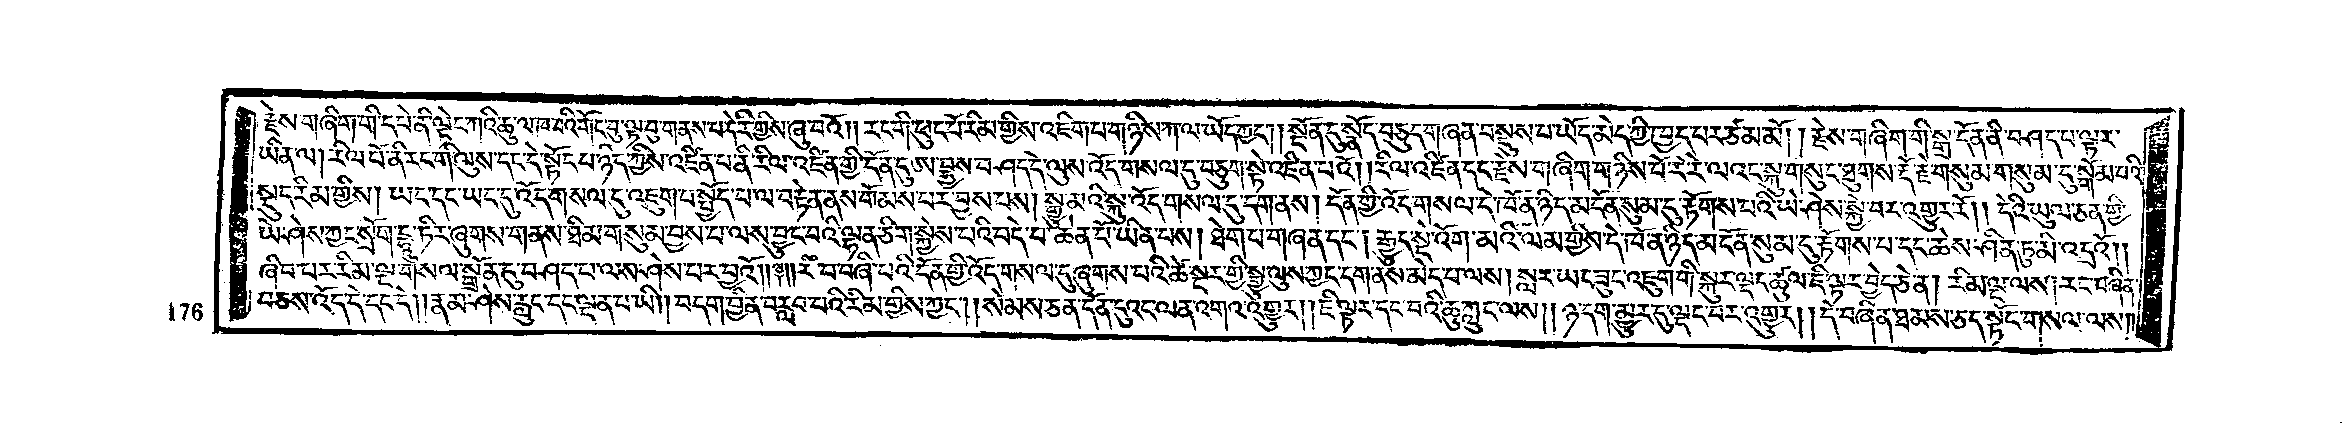རྗེས་གཞིག་གི་དཔེ་ནི་ལྟེང་ཀའི་ཆུ་ལ་ཁ་བའི་གོང་བུ་ལྟ་བུ་གནས་པ་དེ་རིམ་གྱིས་ཞུ་བའོ། །རང་གི་ཕུང་པོ་རིམ་གྱིས་འཇིག་པ་གཉིས་ཀ་ལ་ཡོད་ཀྱང་། །སྔོན་དུ་སྣོད་བཅུད་གཞན་བསྡུས་པ་ཡོད་མེད་ཀྱི་ཁྱད་པར་ཙམ་མོ། །རྗེས་གཞིག་གི་སྒྲ་དོན་ནི་བཤད་པ་ལྟར་
ཡིན་ལ། རིལ་པོ་ནི་རང་གི་ལུས་དང་དེ་སྟོང་པ་ཉིད་ཀྱིས་འཛིན་པ་ནི་རིལ་འཛིན་གྱི་དོན་དུ་ཨ་བྷྱས་བཤད་དེ་ལུས་འོད་གསལ་དུ་བཅུག་སྟེ་འཛིན་པའོ། །རིལ་འཛིན་དང་རྗེས་གཞིག་གཉིས་པོ་རེ་རེ་ལའང་སྐུ་གསུང་ཐུགས་རྡོ་རྗེ་གསུམ་གསུམ་དུ་སྒོམ་པའི་
སྡུད་རིམ་གྱིས། ཡང་དང་ཡང་དུ་འོད་གསལ་དུ་འཇུག་པ་སྤྱོད་པ་ལ་བརྟེན་ནས་གོམས་པར་བྱས་པས། སྒྱུ་མའི་སྐུ་འོད་གསལ་དུ་དག་ནས། དོན་གྱི་འོད་གསལ་ལ་དེ་ཁོ་ན་ཉིད་མངོན་སུམ་དུ་རྟོགས་པའི་ཡེ་ཤེས་སྐྱེ་བར་འགྱུར་རོ། །དེའི་ཡུལ་ཅན་གྱི་
ཡེ་ཤེས་ཀྱང་སྲོག་དྷཱུ་ཏིར་ཞུགས་གནས་ཐིམ་གསུམ་བྱས་པ་ལས་བྱུང་བའི་ལྷན་ཅིག་སྐྱེས་པའི་བདེ་བ་ཆེན་པོ་ཡིན་པས། ཐེག་པ་གཞན་དང་། རྒྱུད་སྡེ་འོག་མའི་ལམ་གྱིས་དེ་ཁོ་ན་ཉིད་མངོན་སུམ་དུ་རྟོགས་པ་དང་ཆེས་ཤིན་ཏུ་མི་འདྲའོ། །
ཞིབ་པར་རིམ་ལྔ་གསལ་སྒྲོན་དུ་བཤད་པ་ལས་ཤེས་པར་བྱའོ།། ༈ །།རིམ་པ་བཞི་པའི་དོན་གྱི་འོད་གསལ་དུ་ཞུགས་པའི་ཚེ་སྔར་གྱི་སྒྱུ་ལུས་ཀྱང་དག་ནས་མེད་པ་ལས། སླར་ཡང་ཟུང་འཇུག་གི་སྐུར་ལྡང་ཚུལ་ཇི་ལྟར་བྱེད་ཅེ་ན། རིམ་ལྔ་ལས། རང་བཞིན་
བཅས་འོད་དེ་དང་དེ། །རྣམ་ཤེས་རླུང་དང་ལྡན་པ་ཡི། །བདག་བྱིན་བརླབ་པའི་རིམ་གྱིས་ཀྱང་། །སེམས་ཅན་དོན་དུའང་ལན་འགའ་འགྱུར། །ཇི་ལྟར་དང་བའི་ཆུ་ཀླུང་ལས། །ཉ་དག་མྱུར་དུ་ལྡང་བར་འགྱུར། །དེ་བཞིན་ཐམས་ཅད་སྟོང་གསལ་ལས། །